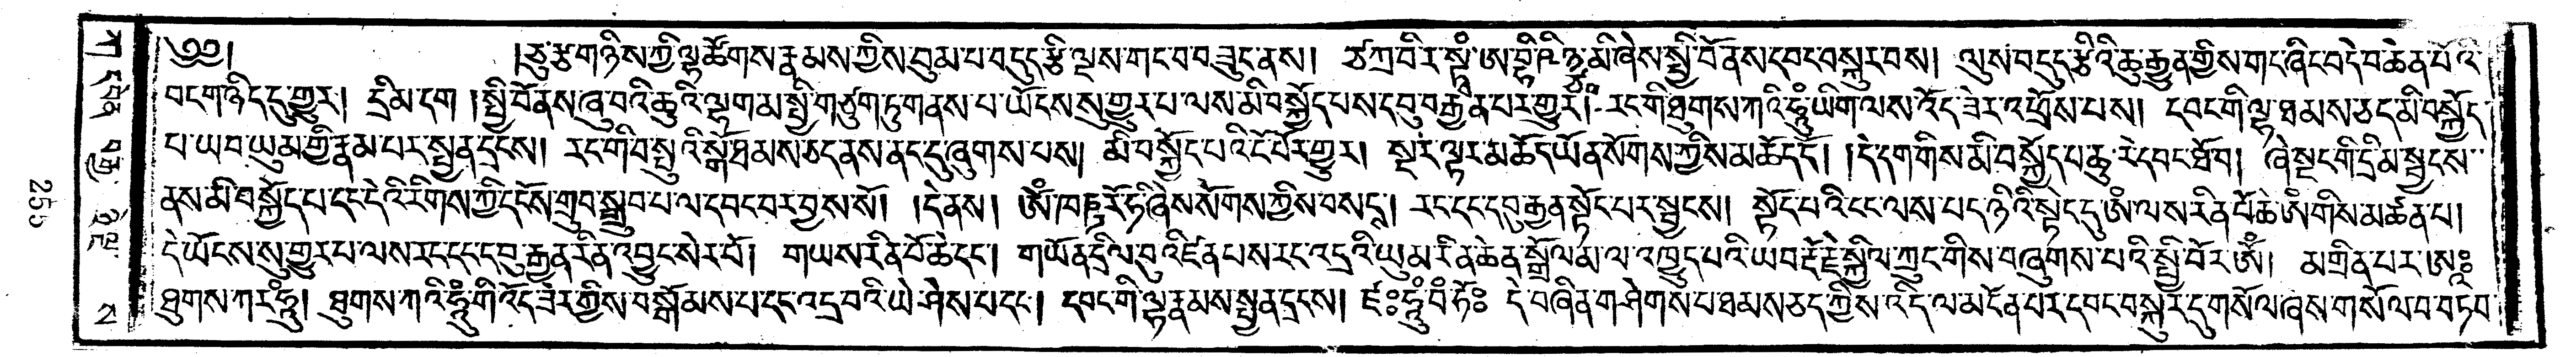༄༅། །ཅུ་རྩ་གཉིས་ཀྱི་ལྷ་ཚོགས་རྣམས་ཀྱིས་བུམ་པ་བདུད་རྩི་ལྔས་གང་བ་བཟུང་ནས། ཙཀྲ་བི་ར་སྟྭཾ་ཨ་བྷི་ཥིཉྩ་མི་ཞེས་སྤྱི་བོ་ནས་དབང་བསྐུར་བས། ལུས་བདུད་རྩིའི་ཆུ་རྒྱུན་གྱིས་གང་ཞིང་བདེ་བ་ཆེན་པོའི་
བདག་ཉིད་དུ་གྱུར། དྲི་མ་དག །སྤྱི་བོ་ནས་ཞུ་བའི་ཆུའི་ལྷག་མ་སྤྱི་གཙུག་ཏུ་གནས་པ་ཡོངས་སུ་གྱུར་པ་ལས་མི་བསྐྱོད་པས་དབུ་བརྒྱན་པར་གྱུར། རང་གི་ཐུགས་ཀའི་ཧཱུཾ་ཡིག་ལས་འོད་ཟེར་འཕྲོས་པས། དབང་གི་ལྷ་ཐམས་ཅད་མི་བསྐྱོད་
པ་ཡབ་ཡུམ་གྱི་རྣམ་པར་སྤྱན་དྲངས། རང་གི་བ་སྤུའི་སྒོ་ཐམས་ཅད་ནས་ནང་དུ་ཞུགས་པས། མི་བསྐྱོད་པའི་ངོ་བོར་གྱུར། སྔར་ལྟར་མཆོད་ཡོན་སོགས་ཀྱིས་མཆོད་དོ། །དེ་དག་གིས་མི་བསྐྱོད་པ་ཆུ་རེ་དབང་ཐོབ། ཞེ་སྡང་གི་དྲི་མ་སྦྱངས་
ནས་མི་བསྐྱོད་པ་དང་དེའི་རིགས་ཀྱི་དངོས་གྲུབ་སྒྲུབ་པ་ལ་དབང་བར་བྱས་སོ། །དེ་ནས། ཨོཾ་ཁཎྜ་རོ་ཧི་ཞེས་སོགས་ཀྱིས་བསངས། རང་དང་དབུ་རྒྱན་སྟོང་པར་སྦྱངས། སྟོང་པའི་ངང་ལས་པད་ཉིའི་སྟེང་དུ་ཨོཾ་ལས་རིན་པོ་ཆེ་ཨཾ་གིས་མཚན་པ།
དེ་ཡོངས་སུ་གྱུར་པ་ལས་རང་དང་དབུ་རྒྱན་རིན་འབྱུང་སེར་པོ། གཡས་རིན་པོ་ཆེ་དང་། གཡོན་དྲིལ་བུ་འཛིན་པས་རང་འདྲའི་ཡུམ་རིན་ཆེན་སྒྲོལ་མ་ལ་འཁྱུད་པའི་ཡབ་རྡོ་རྗེ་སྐྱིལ་ཀྲུང་གིས་བཞུགས་པའི་སྤྱི་བོར་ཨོཾ། མགྲིན་པར་ཨཱཿ
ཐུགས་ཀར་ཧཱུཾ། ཐུགས་ཀའི་ཧཱུཾ་གི་འོད་ཟེར་གྱིས་བསྒོམས་པ་དང་འདྲ་བའི་ཡེ་ཤེས་པ་དང་། དབང་གི་ལྷ་རྣམས་སྤྱན་དྲངས། ཛཿ ཧཱུཾ་བཾ་ཧོཿ དེ་བཞིན་གཤེགས་པ་ཐམས་ཅད་ཀྱིས་འདི་ལ་མངོན་པར་དབང་བསྐུར་དུ་གསོལ་ཞེས་གསོལ་བ་བཏབ་